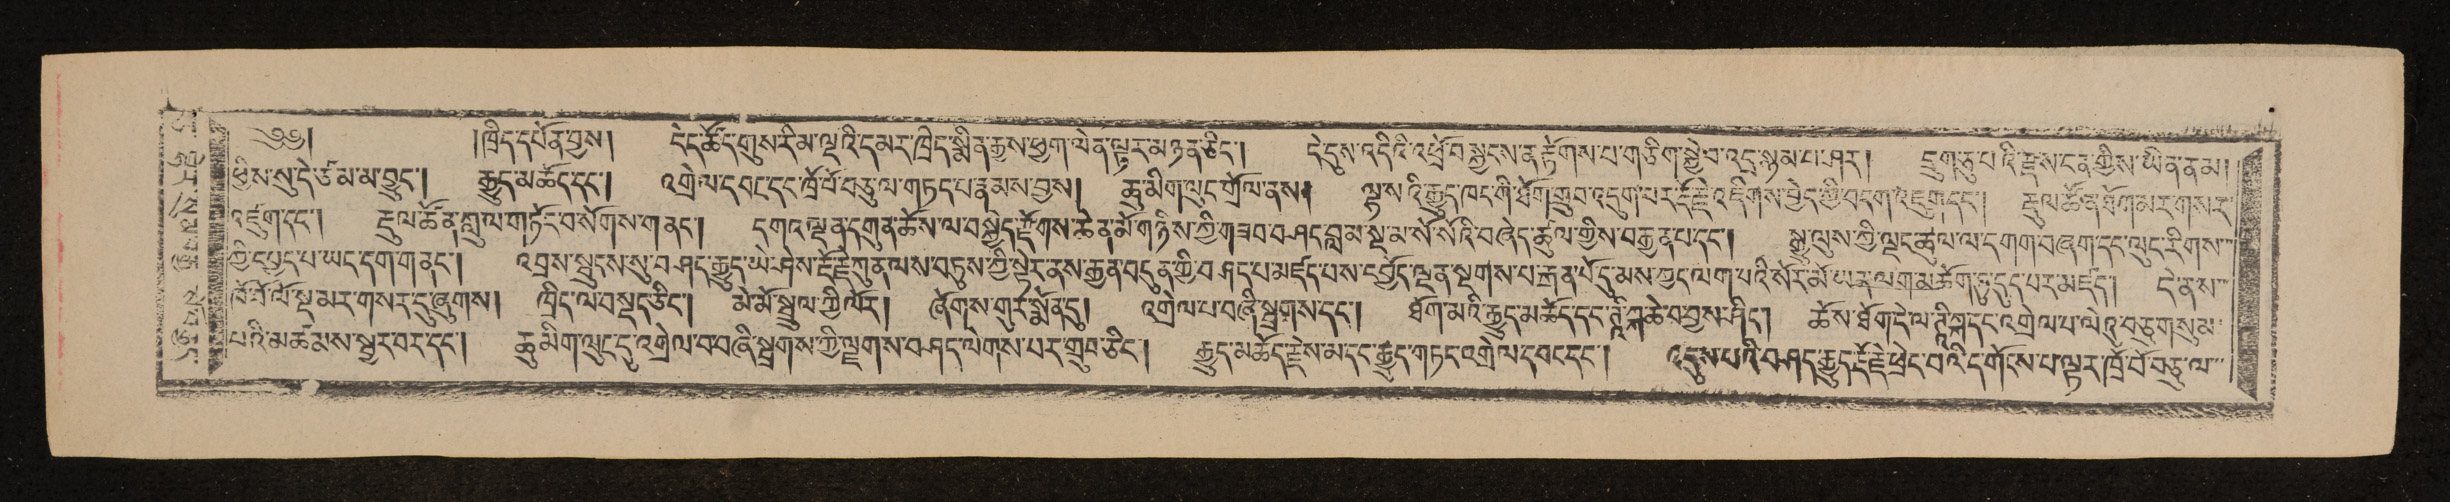༄༅། །ཁྲིད་དཔོན་བྱས། ངེད་ཚོ་དགུས་རིམ་ལྔའི་དམར་ཁྲིད་སྨིན་རྒྱས་ཕྱག་ལེན་ལྟར་མཉན་ཅིང་། དེ་དུས་འདིའི་འཕྲོ་བསྐྱངས་ན་རྟོགས་པ་གཅིག་སྐྱེ་བ་འདྲ་སྙམ་པ་ཤར། དྲུག་ཅུ་པའི་རྫས་ངན་གྱིས་ཡིན་ནམ།
ཕྱིས་སུ་དེ་ཙམ་མ་བྱུང་། རྒྱུད་མཆོད་དང་། འགྲེལ་དབང་དང་ཁྲོ་བོ་བཅུ་ལ་གཏད་པ་རྣམས་བྱས། ཆུ་མིག་ལུང་གྲོལ་ནས། ལྷ་སའི་རྒྱུད་ཁང་གི་ཐོག་གྲུབ་འདུག་པར་རྡོ་རྗེ་འཇིགས་བྱེད་ཀྱི་བདག་འཇུག་དང་། རྡུལ་ཚོན་ཐོག་མར་གསར་
འཛུག་དང་། རྡུལ་ཚོན་ཀླུ་ལ་གཏོང་བ་སོགས་གནང་། དགའ་ལྡན་དགུན་ཆོས་ལ་བསྐྱེད་རྫོགས་ཆེན་མོ་གཉིས་ཀྱི་གཟབ་བཤད་བླ་མ་སྔ་མ་སོ་སོའི་བཞེད་ཚུལ་གྱིས་བརྒྱན་པ་དང་། སྒྱུ་ལུས་ཀྱི་ལྡང་ཚུལ་ལ་དགག་བཞག་དང་ལུང་རིགས་
ཀྱི་དཔྱད་པ་ཡང་དག་གནང་། འབྲས་སྤུངས་སུ་བཤད་རྒྱུད་ཡེ་ཤེས་རྡོ་རྗེ་ཀུན་ལས་བཏུས་ཀྱི་སྟེང་ནས་རྒྱན་བདུན་གྱི་བཤད་པ་མཛད་པས་དཔྱོད་ལྡན་སྔགས་པ་རྒན་པོ་དུ་མས་ཀྱང་ལག་པའི་སོར་མོ་ཡན་ལག་མཆོག་ཏུ་དུད་པར་མཛད། དེ་ནས་
ཁོ་བོ་ལོ་སྔ་མར་གསར་དུ་ཞུགས། ཁྲིད་ལ་བསྡད་ཅིང་། མེ་མོ་སྦྲུལ་གྱི་ལོར། ཞོགས་གུར་སྨོན་དུ། འགྲེལ་པ་བཞི་སྦྲགས་དང་། ཐོག་མའི་རྒྱུད་མཆོད་དང་ཊཱིཀྐ་ཆེ་བ་བྱས་ཤིང་། ཆོས་ཐོག་དེ་ལ་ཊཱིཀྐ་དང་འགྲེལ་པ་ལེའུ་བཅུ་གསུམ་
པའི་མཚམས་སྦྱར་བར་དང་། ཆུ་མིག་ལུང་དུ་འགྲེལ་པ་བཞི་སྦྲགས་ཀྱི་ལྗགས་བཤད་ལེགས་པར་གྲུབ་ཅིང་། རྒྱུད་མཆོད་རྗེས་མ་དང་རྒྱུད་གཏད་འགྲེལ་དབང་དང་། འདུས་པའི་བཤད་རྒྱུད་རྡོ་རྗེ་ཕྲེང་བའི་དགོངས་པ་ལྟར་ཁྲོ་བོ་བཅུ་ལ་